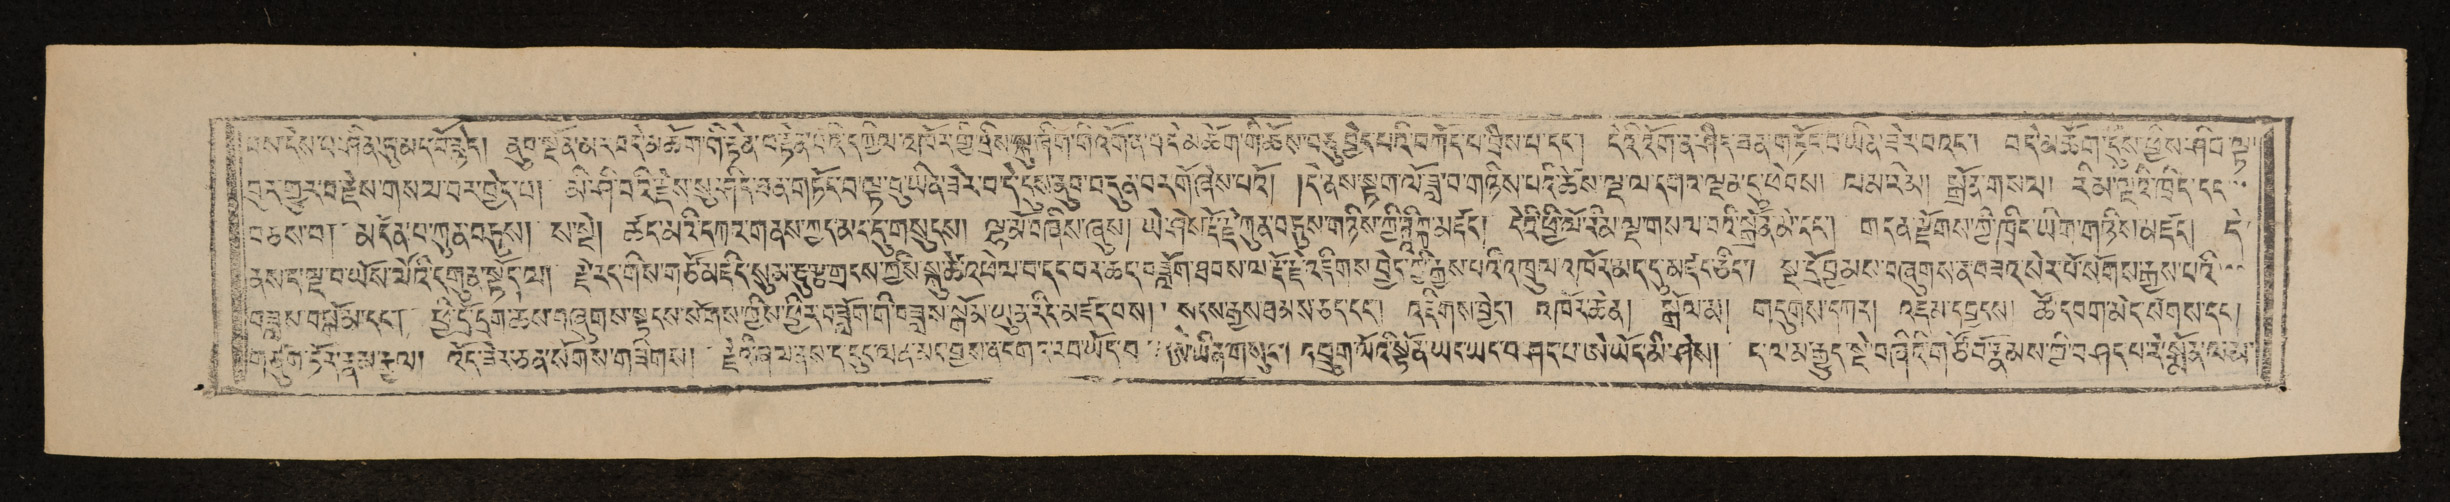བས་ངེས་པ་ཤིན་ཏུ་མང་པོ་རྙེད། ནུབ་སྔོན་མར་བདེ་མཆོག་གི་རྟེན་བརྟེན་པའི་དཀྱིལ་འཁོར་གྱི་བྲིས་སྐུ་ཞིག་གི་འོག་ན་བདེ་མཆོག་གི་ཚེས་བཅུ་བྱེད་པའི་བཀོད་པ་བྲིས་པ་དང་། དེའི་འོག་ན་ཤིང་ཟན་གཏོང་བ་ཡིན་ཟེར་བའང་། བདེ་མཆོག་དུས་ཕྱིས་ཤི་བ་ལྟ་
བུར་གྱུར་པ་རྗེས་གསལ་བར་བྱེད་པ། མི་ཤི་བའི་རྗེས་སུ་ཤིད་ཟན་གཏོང་བ་ལྟ་བུ་ཡིན་ཟེར་བ་དེ་དུས་ནུབ་བདུན་པར་གོ་ཞེས་པའོ། །དེ་ནས་སྟག་ལོ་ཟླ་བ་གཉིས་པའི་ཚེས་ལྔ་ལ་དགའ་ལྡན་དུ་ཕེབས། ལམ་རིམ། སྒྲོན་གསལ། རིམ་ལྔའི་ཁྲིད་དང་
བཅས་པ། མངོན་པ་ཀུན་བཏུས། ས་སྡེ། ཚད་མའི་དཀའ་གནས་ཀྱང་མང་དུ་གསུངས། ལྷ་མེ་བཞིས་ཞུས། ཡེ་ཤེས་རྡོ་རྗེ་ཀུན་བཏུས་གཉིས་ཀྱི་ཊཱིཀྐ་མཛད། དེའི་ཕྱི་ལོ་རིམ་ལྔ་གསལ་བའི་སྒྲོན་མེ་དང་། གདན་རྫོགས་ཀྱི་ཁྲིད་ཡིག་གཉིས་མཛད། དེ་
ནས་ང་ལྔ་པ་ཡོས་ལོའི་དགུན་སྟོད་ལ། རྗེ་རང་གིས་གཙོ་མཛད་སུམ་ཅུ་རྩ་གྲངས་ཀྱིས་སྐུ་ཚེ་འཕེལ་བ་དང་བར་ཆད་བཟློག་ཐབས་ལ་རྡོ་རྗེ་འཇིགས་བྱེད་ཀྱི་རྒྱས་པའི་འཁྲུལ་འཁོར་མང་དུ་མཛད་ཅིང་། སྔ་དྲོ་བྱམས་བཞུགས་ན་བཟའ་སེར་པོ་སོགས་རྒྱས་པའི་
བཟླས་བསྒོམ་དང་། ཕྱི་དྲོ་དྲག་ཆས་བཞུགས་སྟངས་སོགས་ཀྱིས་ཕྱིར་བཟློག་གི་བཟླས་སྒོམ་ཡུན་རིང་མཛད་པས། སངས་རྒྱས་ཐམས་ཅད་དང་། འཇིགས་བྱེད། འཁོར་ཆེན། སྒྲོལ་མ། གདུགས་དཀར། འཇམ་དབྱངས། ཚེ་དཔག་མེད་སོགས་དང་།
གཙུག་ཏོར་རྣམ་རྒྱལ། འོད་ཟེར་ཅན་སོགས་གཟིགས། རྗེའི་ཞལ་ནས་ད་དུང་ལན་མང་བྱས་ན་དགའ་རབ་ཡོང་བ་ཨེ་ཡིན་གསུང་། འབྲུག་ལོའི་སྟོན་ཡང་ཡང་བཤད་པ་ཨེ་ཡོང་མི་ཤེས། ད་ལམ་རྒྱུད་སྡེ་བཞིའི་གཙོ་བོ་རྣམས་ཀྱི་བཤད་པ་རེ་སྨོན་ལམ་